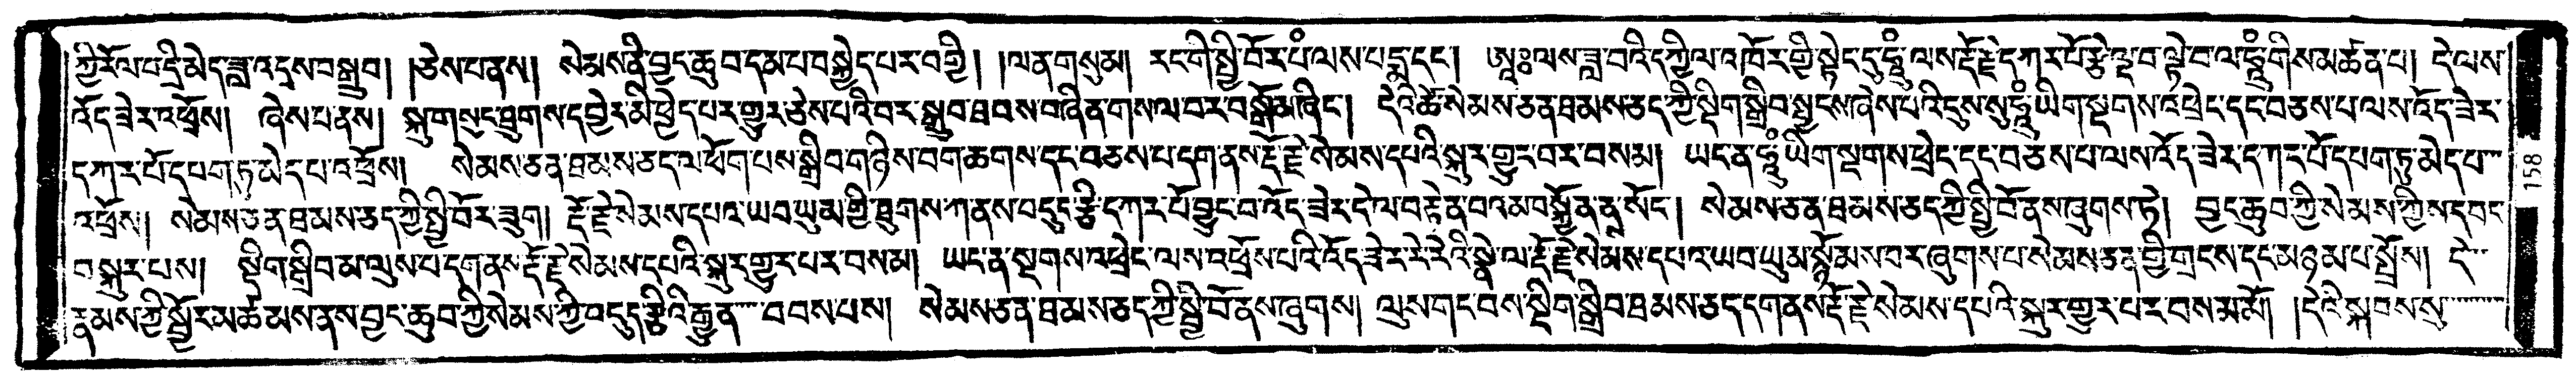ཀྱི་རོལ་བ་དྲི་མེད་ཟླ་འདྲས་བསྒྲུབ། །ཅེས་པ་ནས། སེམས་ནི་བྱང་ཆུབ་དམ་པ་བསྐྱེད་པར་བགྱི། །ལན་གསུམ། རང་གི་སྤྱི་བོར་པཾ་ལས་པདམ་དང་། ཨཱཿལས་ཟླ་བའི་དཀྱིལ་འཁོར་གྱི་སྟེང་དུ་ཧཱུཾ་ལས་རྡོ་རྗེ་དཀར་པོ་རྩེ་ལྔ་པ་ལྟེ་བ་ལ་ཧཱུཾ་གིས་མཚན་པ། དེ་ལས་
འོད་ཟེར་འཕྲོས། ཞེས་པ་ནས། སྐུ་གསུང་ཐུགས་དབྱེར་མི་ཕྱེད་པར་གྱུར་ཅེས་པའི་བར་སྒྲུབ་ཐབས་བཞིན་གསལ་བར་བསྒོམ་ཞིང་། དེའི་ཚེ་སེམས་ཅན་ཐམས་ཅད་ཀྱི་སྡིག་སྒྲིབ་སྦྱངས་ཞེས་པའི་དུས་སུ་ཧཱུཾ་ཡིག་སྔགས་འཕྲེང་དང་བཅས་པ་ལས་འོད་ཟེར་
དཀར་པོ་དཔག་ཏུ་མེད་པ་འཕྲོས། སེམས་ཅན་ཐམས་ཅད་ལ་ཕོག་པས་སྒྲིབ་གཉིས་བག་ཆགས་དང་བཅས་པ་དག་ནས་རྡོ་རྗེ་སེམས་དཔའི་སྐུར་གྱུར་བར་བསམ། ཡང་ན་ཧཱུཾ་ཡིག་སྔགས་ཕྲེང་དང་བཅས་པ་ལས་འོད་ཟེར་དཀར་པོ་དཔག་ཏུ་མེད་པ་
འཕྲོས། སེམས་ཅན་ཐམས་ཅད་ཀྱི་སྤྱི་བོར་ཟུག། རྡོ་རྗེ་སེམས་དཔའ་ཡབ་ཡུམ་གྱི་ཐུགས་ཀ་ནས་བདུད་རྩི་དཀར་པོ་བྱུང་བ་འོད་ཟེར་དེ་ལ་བརྟེན་པའམ་བསྐྱོན་ནས་སོང་། སེམས་ཅན་ཐམས་ཅད་ཀྱི་སྤྱི་བོ་ནས་ཞུགས་ཏེ། བྱང་ཆུབ་ཀྱི་སེམས་ཀྱིས་དབང་
བསྐུར་པས། སྡིག་སྒྲིབ་མ་ལུས་པ་དག་ནས་རྡོ་རྗེ་སེམས་དཔའི་སྐུར་གྱུར་པར་བསམ། ཡང་ན་སྔགས་འཕྲེང་ལས་འཕྲོས་པའི་འོད་ཟེར་རེ་རེའི་སྣེ་ལ་རྡོ་རྗེ་སེམས་དཔའ་ཡབ་ཡུམ་སྙོམས་པར་ཞུགས་པ་སེམས་ཅན་གྱི་གྲངས་དང་མཉམ་པ་སྤྲོས། དེ་
རྣམས་ཀྱི་སྦྱོར་མཚམས་ནས་བྱང་ཆུབ་ཀྱི་སེམས་ཀྱི་བདུད་རྩིའི་རྒྱུན་བབས་པས། སེམས་ཅན་ཐམས་ཅད་ཀྱི་སྤྱི་བོ་ནས་ཞུགས། ལུས་གང་བས་སྡིག་སྒྲིབ་ཐམས་ཅད་དག་ནས་རྡོ་རྗེ་སེམས་དཔའི་སྐུར་གྱུར་པར་བསམ་མོ། །དེའི་སྐབས་སུ་